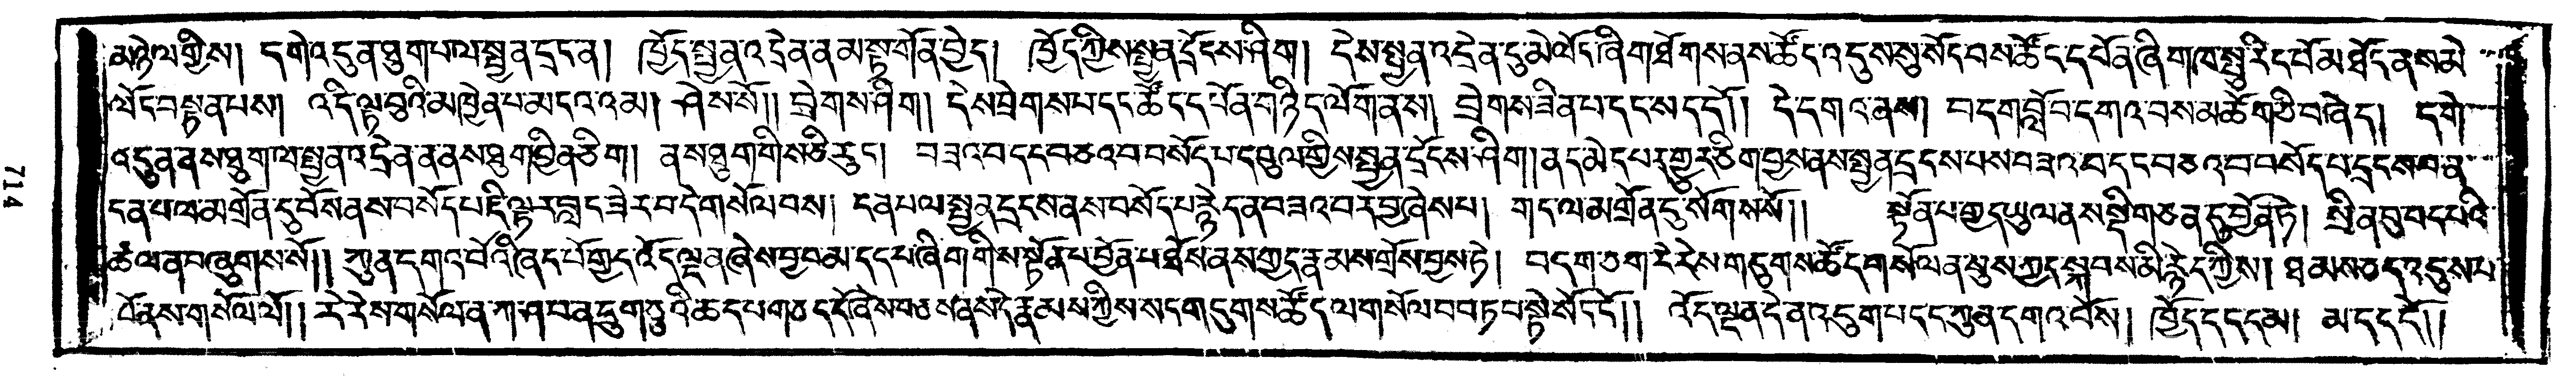མཉེལ་གྱིས། དགེ་འདུན་ཐུག་པ་ལ་སྤྱན་དྲང་ན། ཁྱོད་སྤྱན་འདྲེན་ནམ་སྟ་གོན་བྱེད། ཁྱོད་ཀྱིས་སྤྱན་དྲོངས་ཤིག། དེས་སྤྱན་འདྲེན་དུ་མེ་ལོང་ཞིག་ཐོགས་ནས་ཚོང་འདུས་སུ་སོང་བས་ཚོང་དཔོན་ཞིག་ཁ་སྤུ་རིང་པོ་མཐོང་ནས་མེ་
ལོང་བསྟན་པས། འདི་ལྟ་བུའི་མཁྱེན་པ་མདའ་འམ། ཤེས་སོ།། བྲེགས་ཤིག། དེས་བྲེགས་པ་དང་ཚོང་དཔོན་གཉིད་ལོག་ནས། བྲེགས་ཟིན་པ་དང་སད་དོ།། དེ་དགའ་ནས། བདག་བློ་བ་དགའ་བས་མཆོག་ཅི་བཞེད། དགེ་
འདུན་ནས་ཐུག་ལ་སྤྱན་འདྲེན་ན་ནས་ཐུག་བྱིན་ཅིག། ནས་ཐུག་གིས་ཅི་རུང་། བཟའ་བ་དང་བཅའ་བ་བསོད་པ་དབུལ་གྱིས་སྤྱན་དྲོངས་ཤིག། ནད་མེད་པར་གྱུར་ཅིག་བྱས་ནས་སྤྱན་དྲངས་པས་བཟའ་བ་དང་བཅའ་བ་བསོད་པ་དྲངས་པ་ན་
ངན་པ་ལ་མགྲོན་དུ་བོས་ནས་བསོད་པ་ཇི་ལྟར་བླང་ཟེར་བ་དེ་གསོལ་བས། ངན་པ་ལ་སྤྱན་དྲངས་ནས་བསོད་པ་རྙེད་ན་བཟའ་བར་བྱ་ཞེས་པ། གང་ལ་མགྲོན་དུ་སོགས་སོ།། སྟོན་པ་གྱད་ཡུལ་ནས་སྡིག་ཅན་དུ་བྱོན་ཏེ། སྲིན་བུ་བད་པའི་
ཚལ་ན་བཞུགས་སོ།། ཀུན་དགའ་བོའི་ཞང་པོ་གྱད་འོད་ལྡན་ཞེས་བྱ་བ་མ་དད་པ་ཞིག་གིས་སྟོན་པ་བྱོན་པ་ཐོས་ནས་གྱད་རྣམས་གྲོས་བྱས་ཏེ། བདག་ཅག་རེ་རེས་གདུགས་ཚོད་གསོལ་ན་སུས་ཀྱང་སྐབས་མི་རྙེད་ཀྱིས། ཐམས་ཅད་འདུས་པ་
པོ་ནས་གསོལ་ལོ།། རེ་རེས་གསོལ་ན་ཀ་ཤ་པ་ན་དྲུག་ཅུའི་ཆད་པ་གཅད་དོ་ཞེས་བཅས་ནས་དེ་རྣམས་ཀྱིས་སང་གདུགས་ཚོད་ལ་གསོལ་བ་བཏབ་སྟེ་སོང་ངོ།། འོད་ལྡན་དེ་ན་འདུག་པ་དང་ཀུན་དགའ་བོས། ཁྱོད་དད་དམ། མ་དད་དོ།།